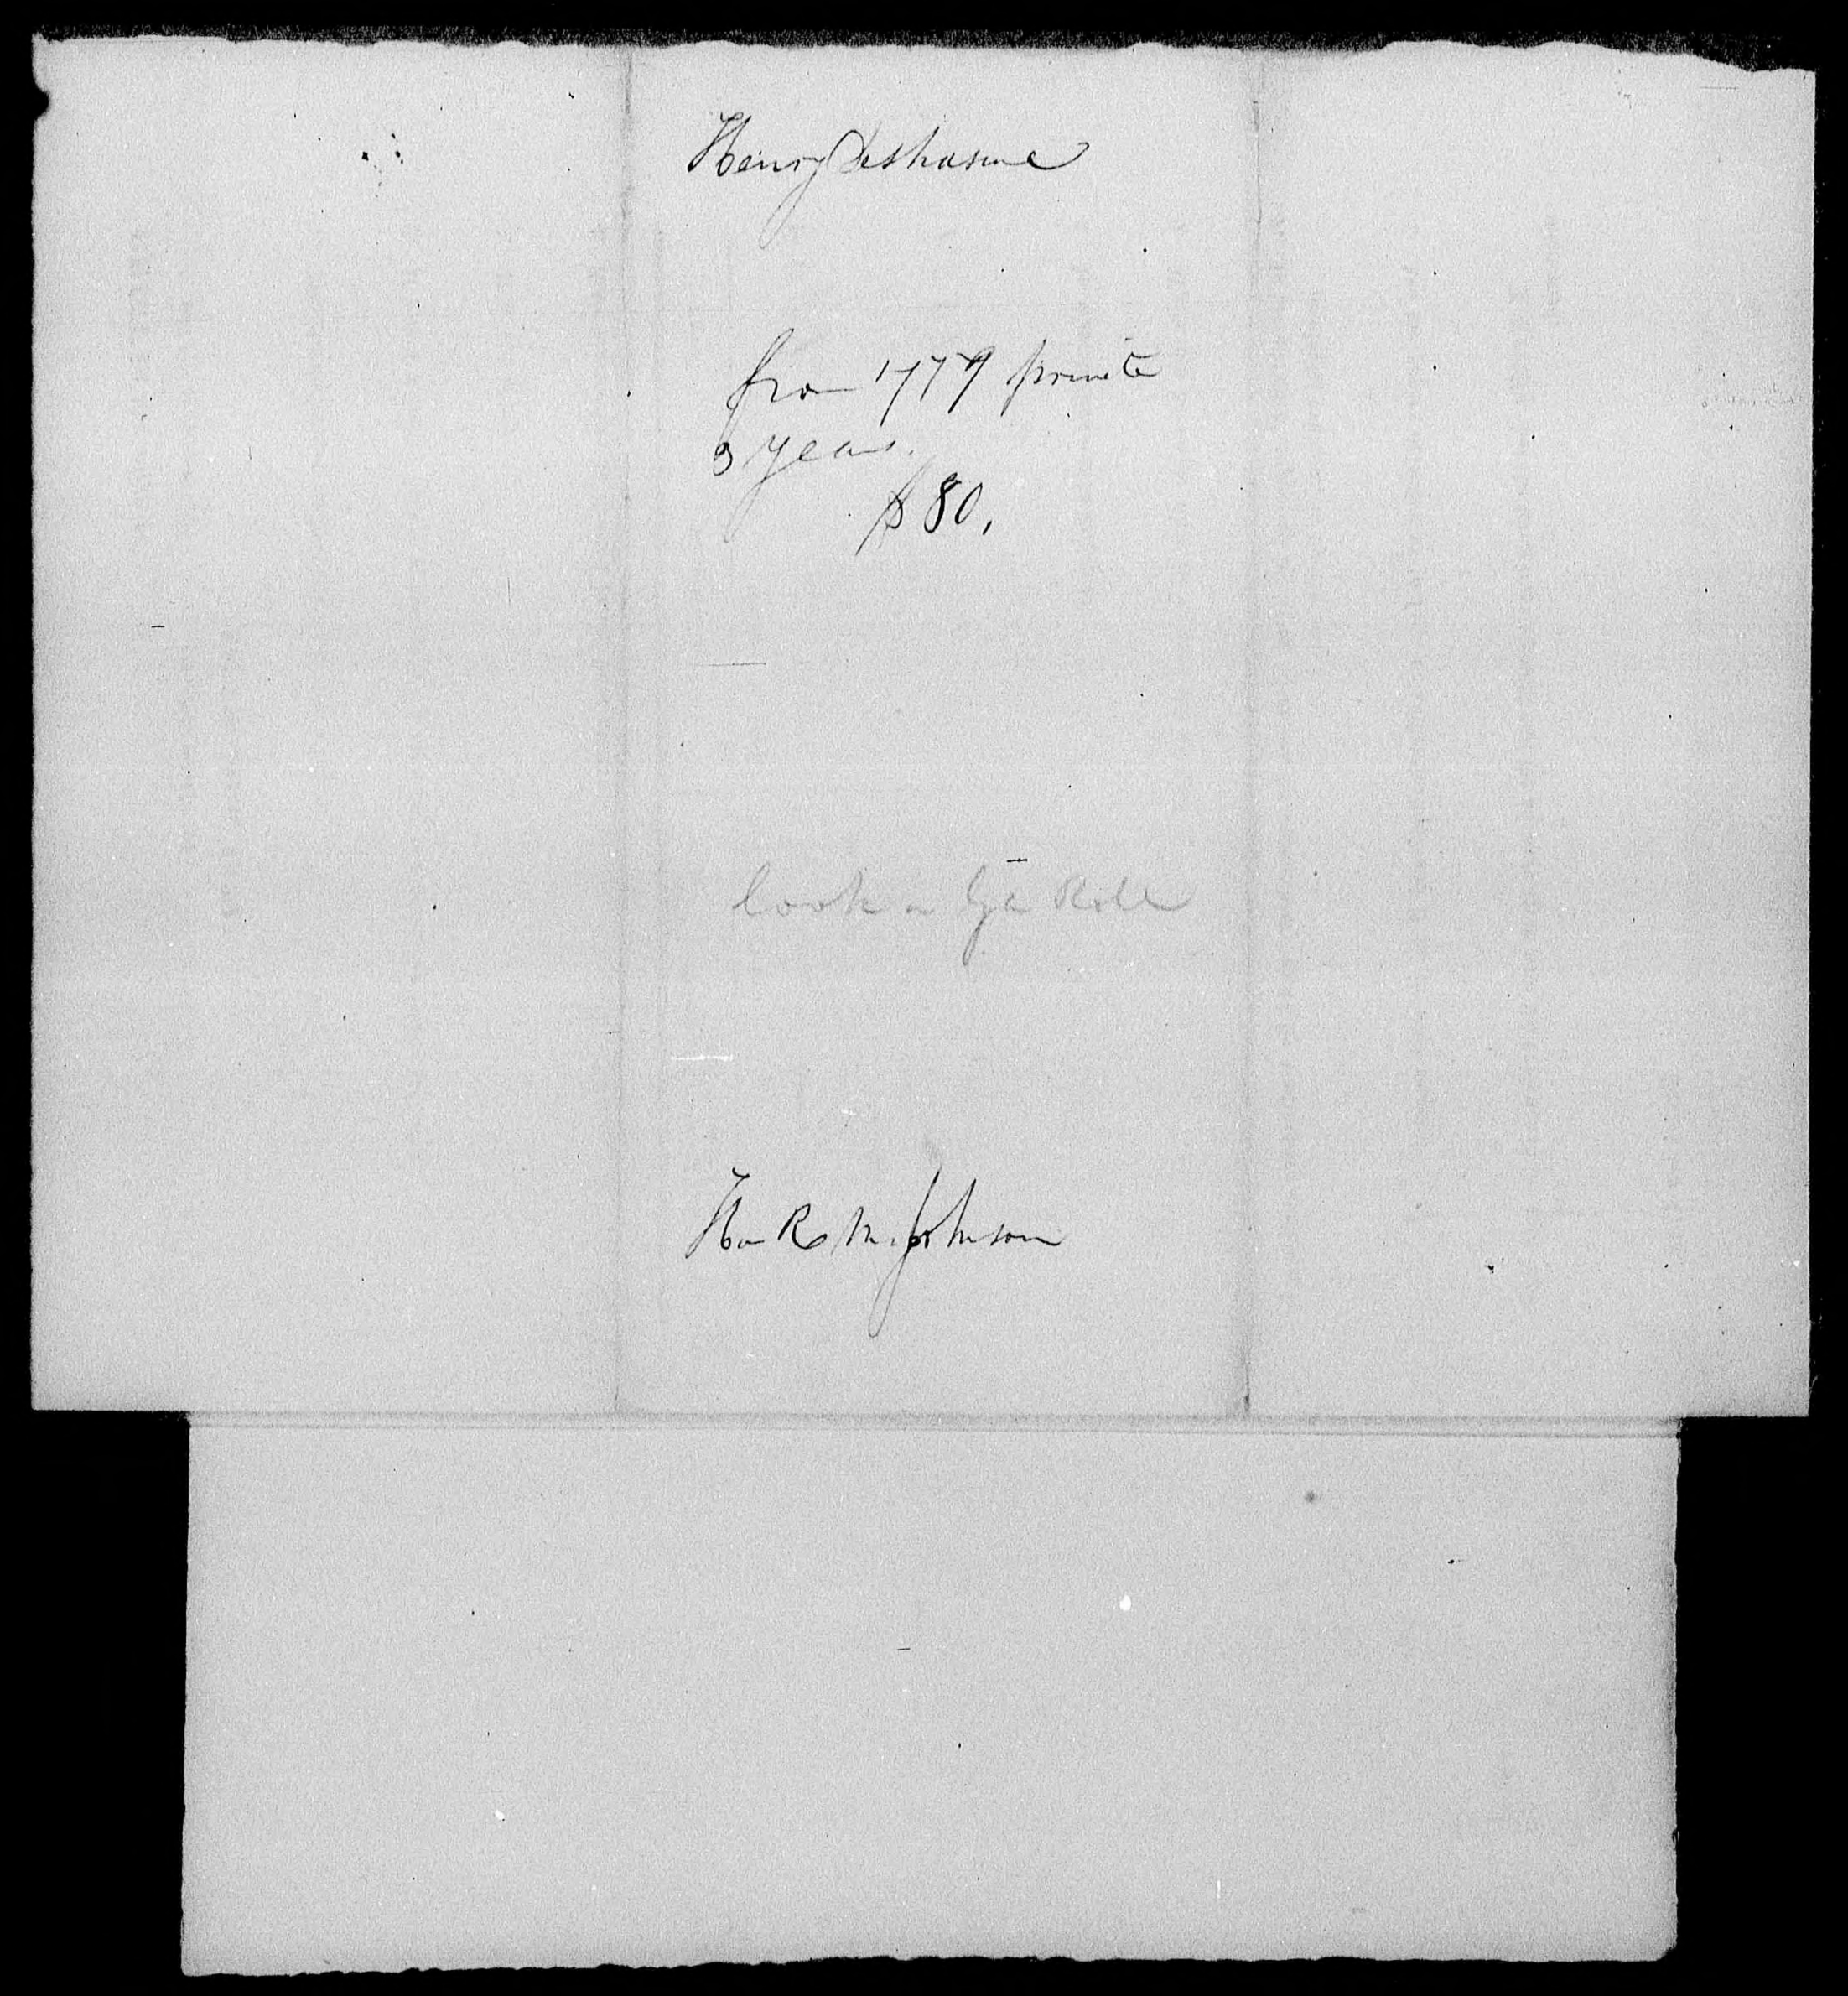Henry Deshasure

from 1779 private
3 years
$80.

look in Ga Roll

Hon R M Johnson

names: Henry Deshasure, R M Johnson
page: 8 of 12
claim: survivor's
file: S. 16,362, Henry Deshasure, Ga. S.C.